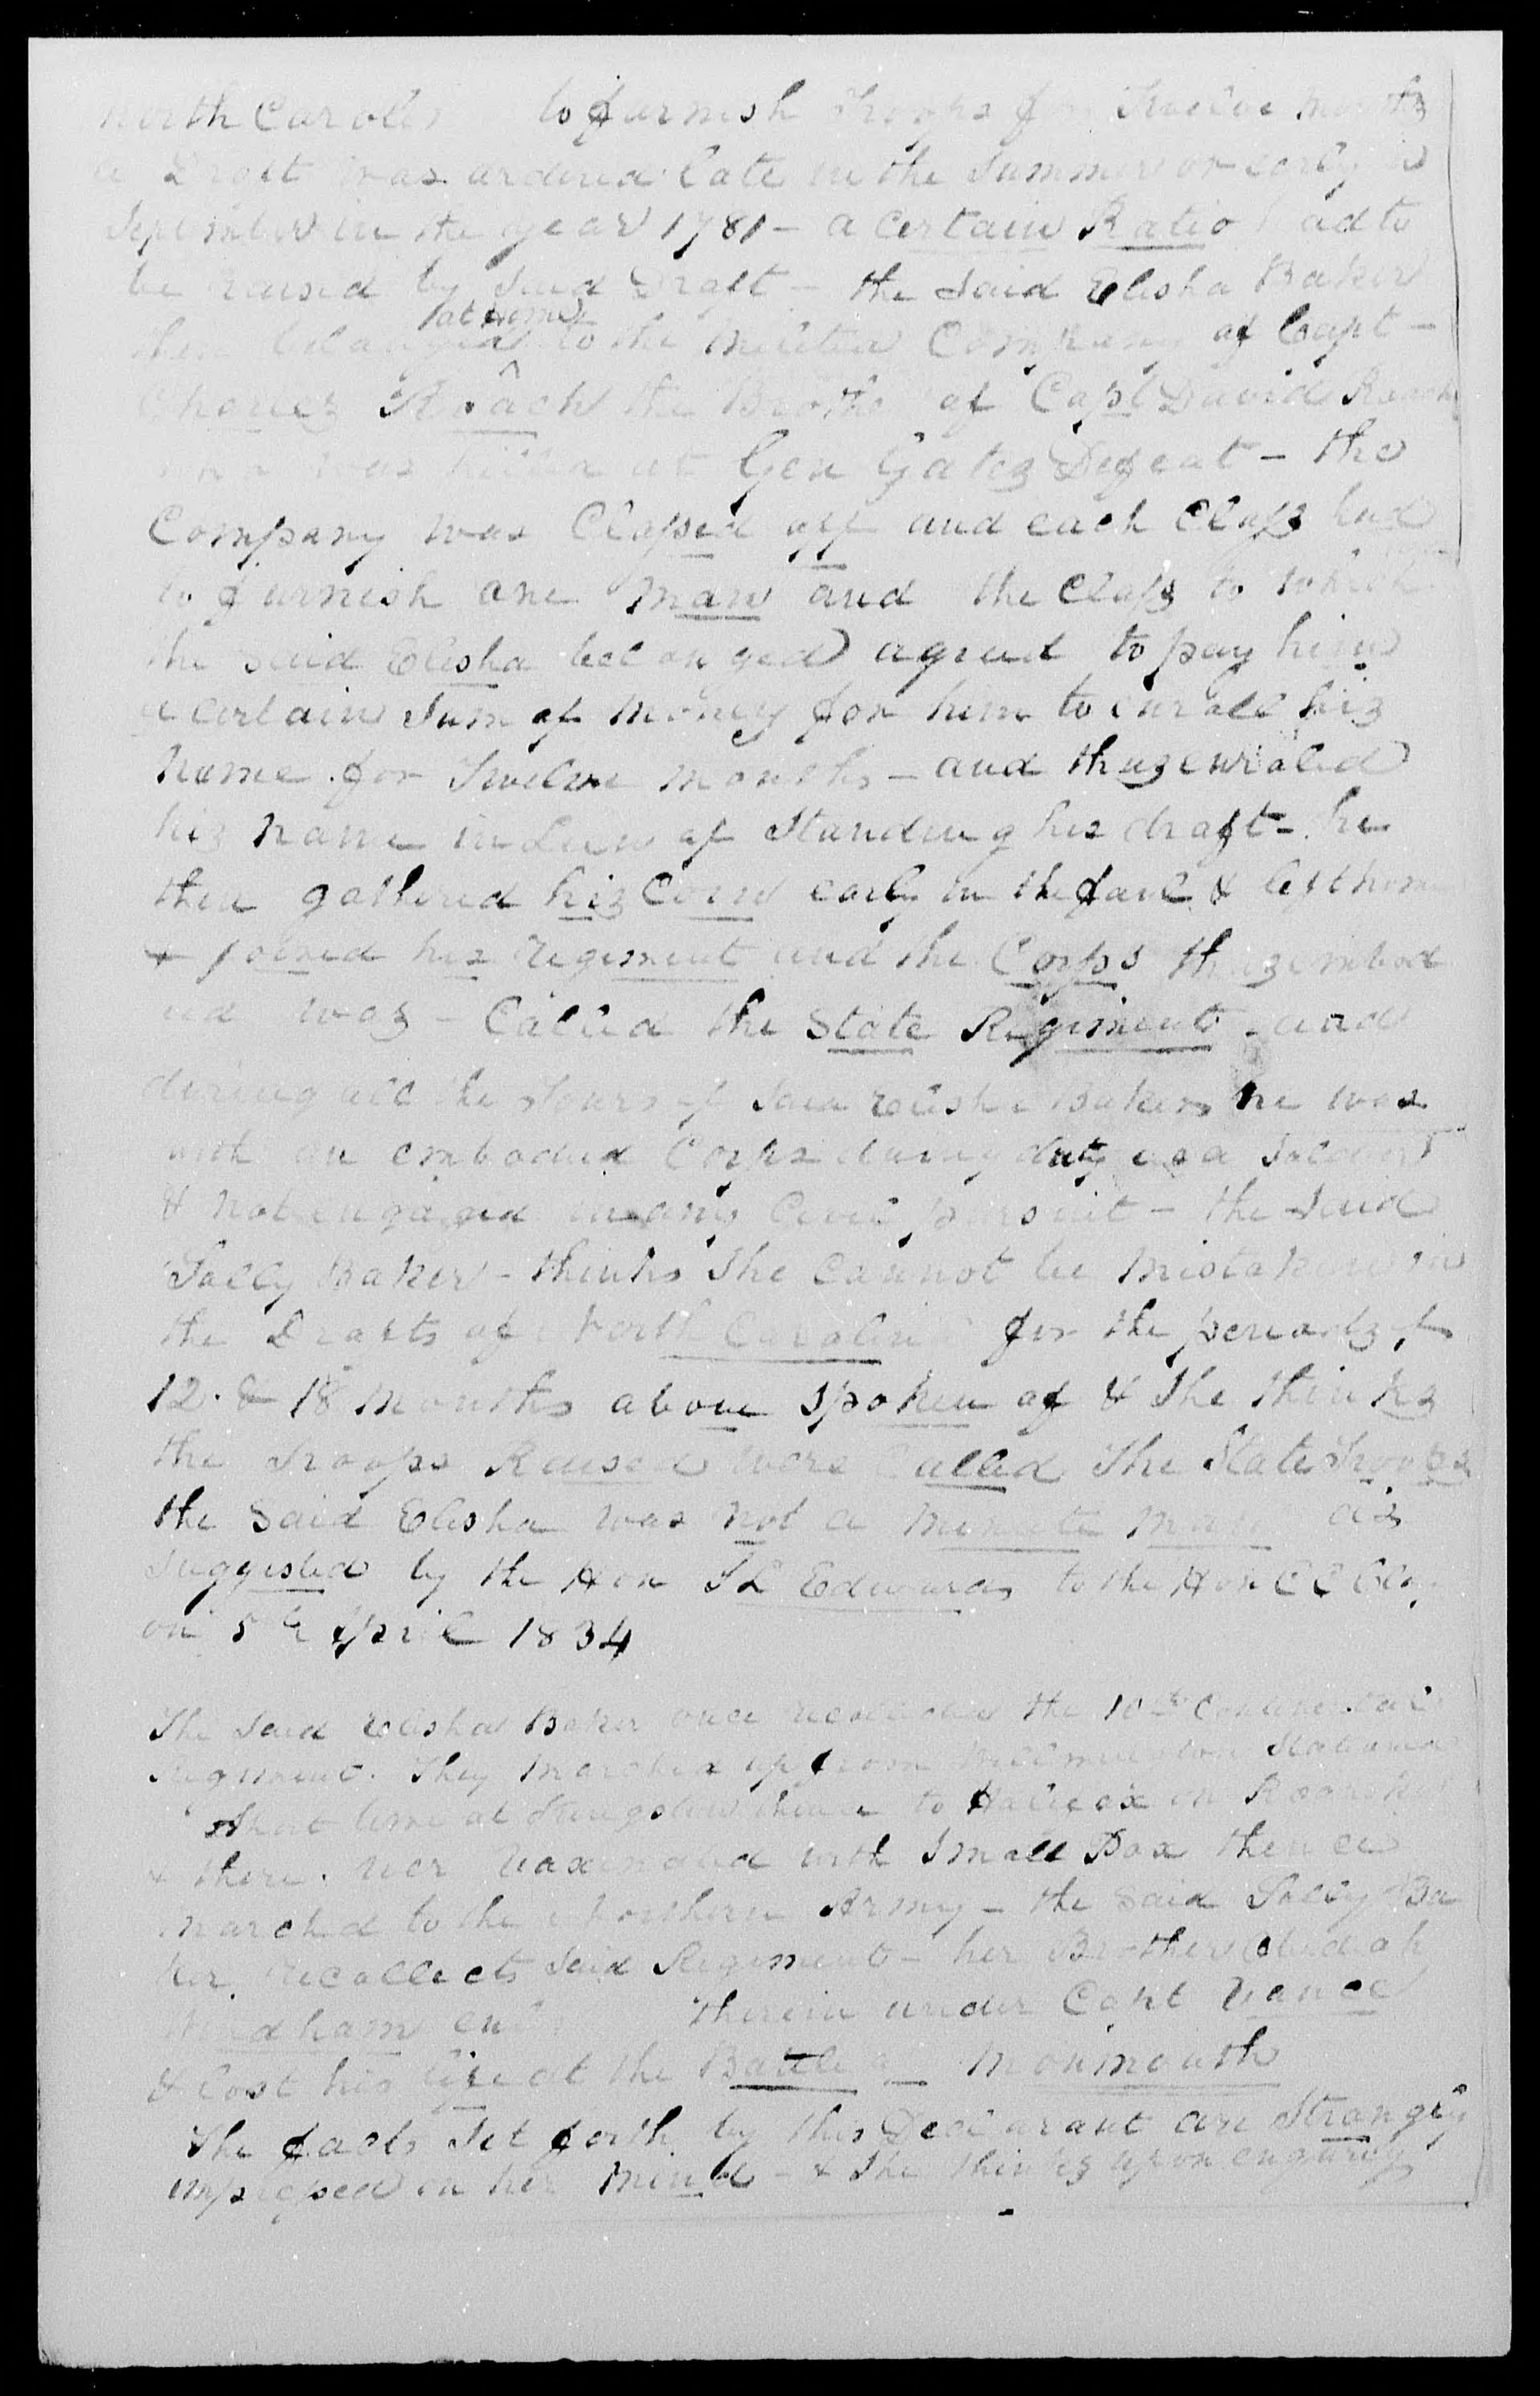North Carolina to furnish Troops of Twelve months a Draft was ordered late in the Summer or early in September in the year 1781 - a certain Ratio had to be raised by said Draft - the said Elisha Baker then belonged ^lot Home to the Militia Company of Capt Charles Roach the Brother of Capt David Roach who was killed at Gen Gates Defeat - the Company was classed off and each class had to furnish one man and the class to which  the said Elisha belonged agreed to pay him a certain sum of money for him to curall his name for Twelve months - and thus curaled his name in Lieu of Standing his draft - he then gathered his corn early in the fall & left home & joined his regiment and the Corps thus embodied was - called the State Regiment and during all the Tours of said Elisha Baker he was with an embodied Corps during duty as a soldier & not engaged in any Civil pursuit - the said Sally Baker - thinks she cannot be mistaken in the Drafts of North Carolina for the periods of 12 & 18 months above spoken of & she thinks the Troops Raised were called The State Troops The said Elisha was not a minute man as suggested by the Hon JL Edwards to the Hon CC Clay on 5th April 1834

The said Elisha Baker once recollected the 10th Continental Regiment. They marched up from Willmington [sic] Stationed a Short time at Kingston thence to Halifax in Roanoke & there were Vaxinated [sic] for Small Pox thence marched to the Northern Army - the said Sally Baker recollects said Regiment - her Brother Obidiah Windham enlisted therein under Capt Vance & lost his life at the Battle at Monmouth
The facts set forth by this Declarant are Strongly impressed on her mind - & she thinks upon enquiry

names: Gates, Vance S Cost, Elisha, Elisha Baker, David Roach, Charles Roach, Sally Baker, Elisha, J L Edwards, Elisha Baker, Sally Baker, Elisha Baker, C C Clay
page: 12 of 22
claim: rejected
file: R. 411, Elisha Baker, N.C.